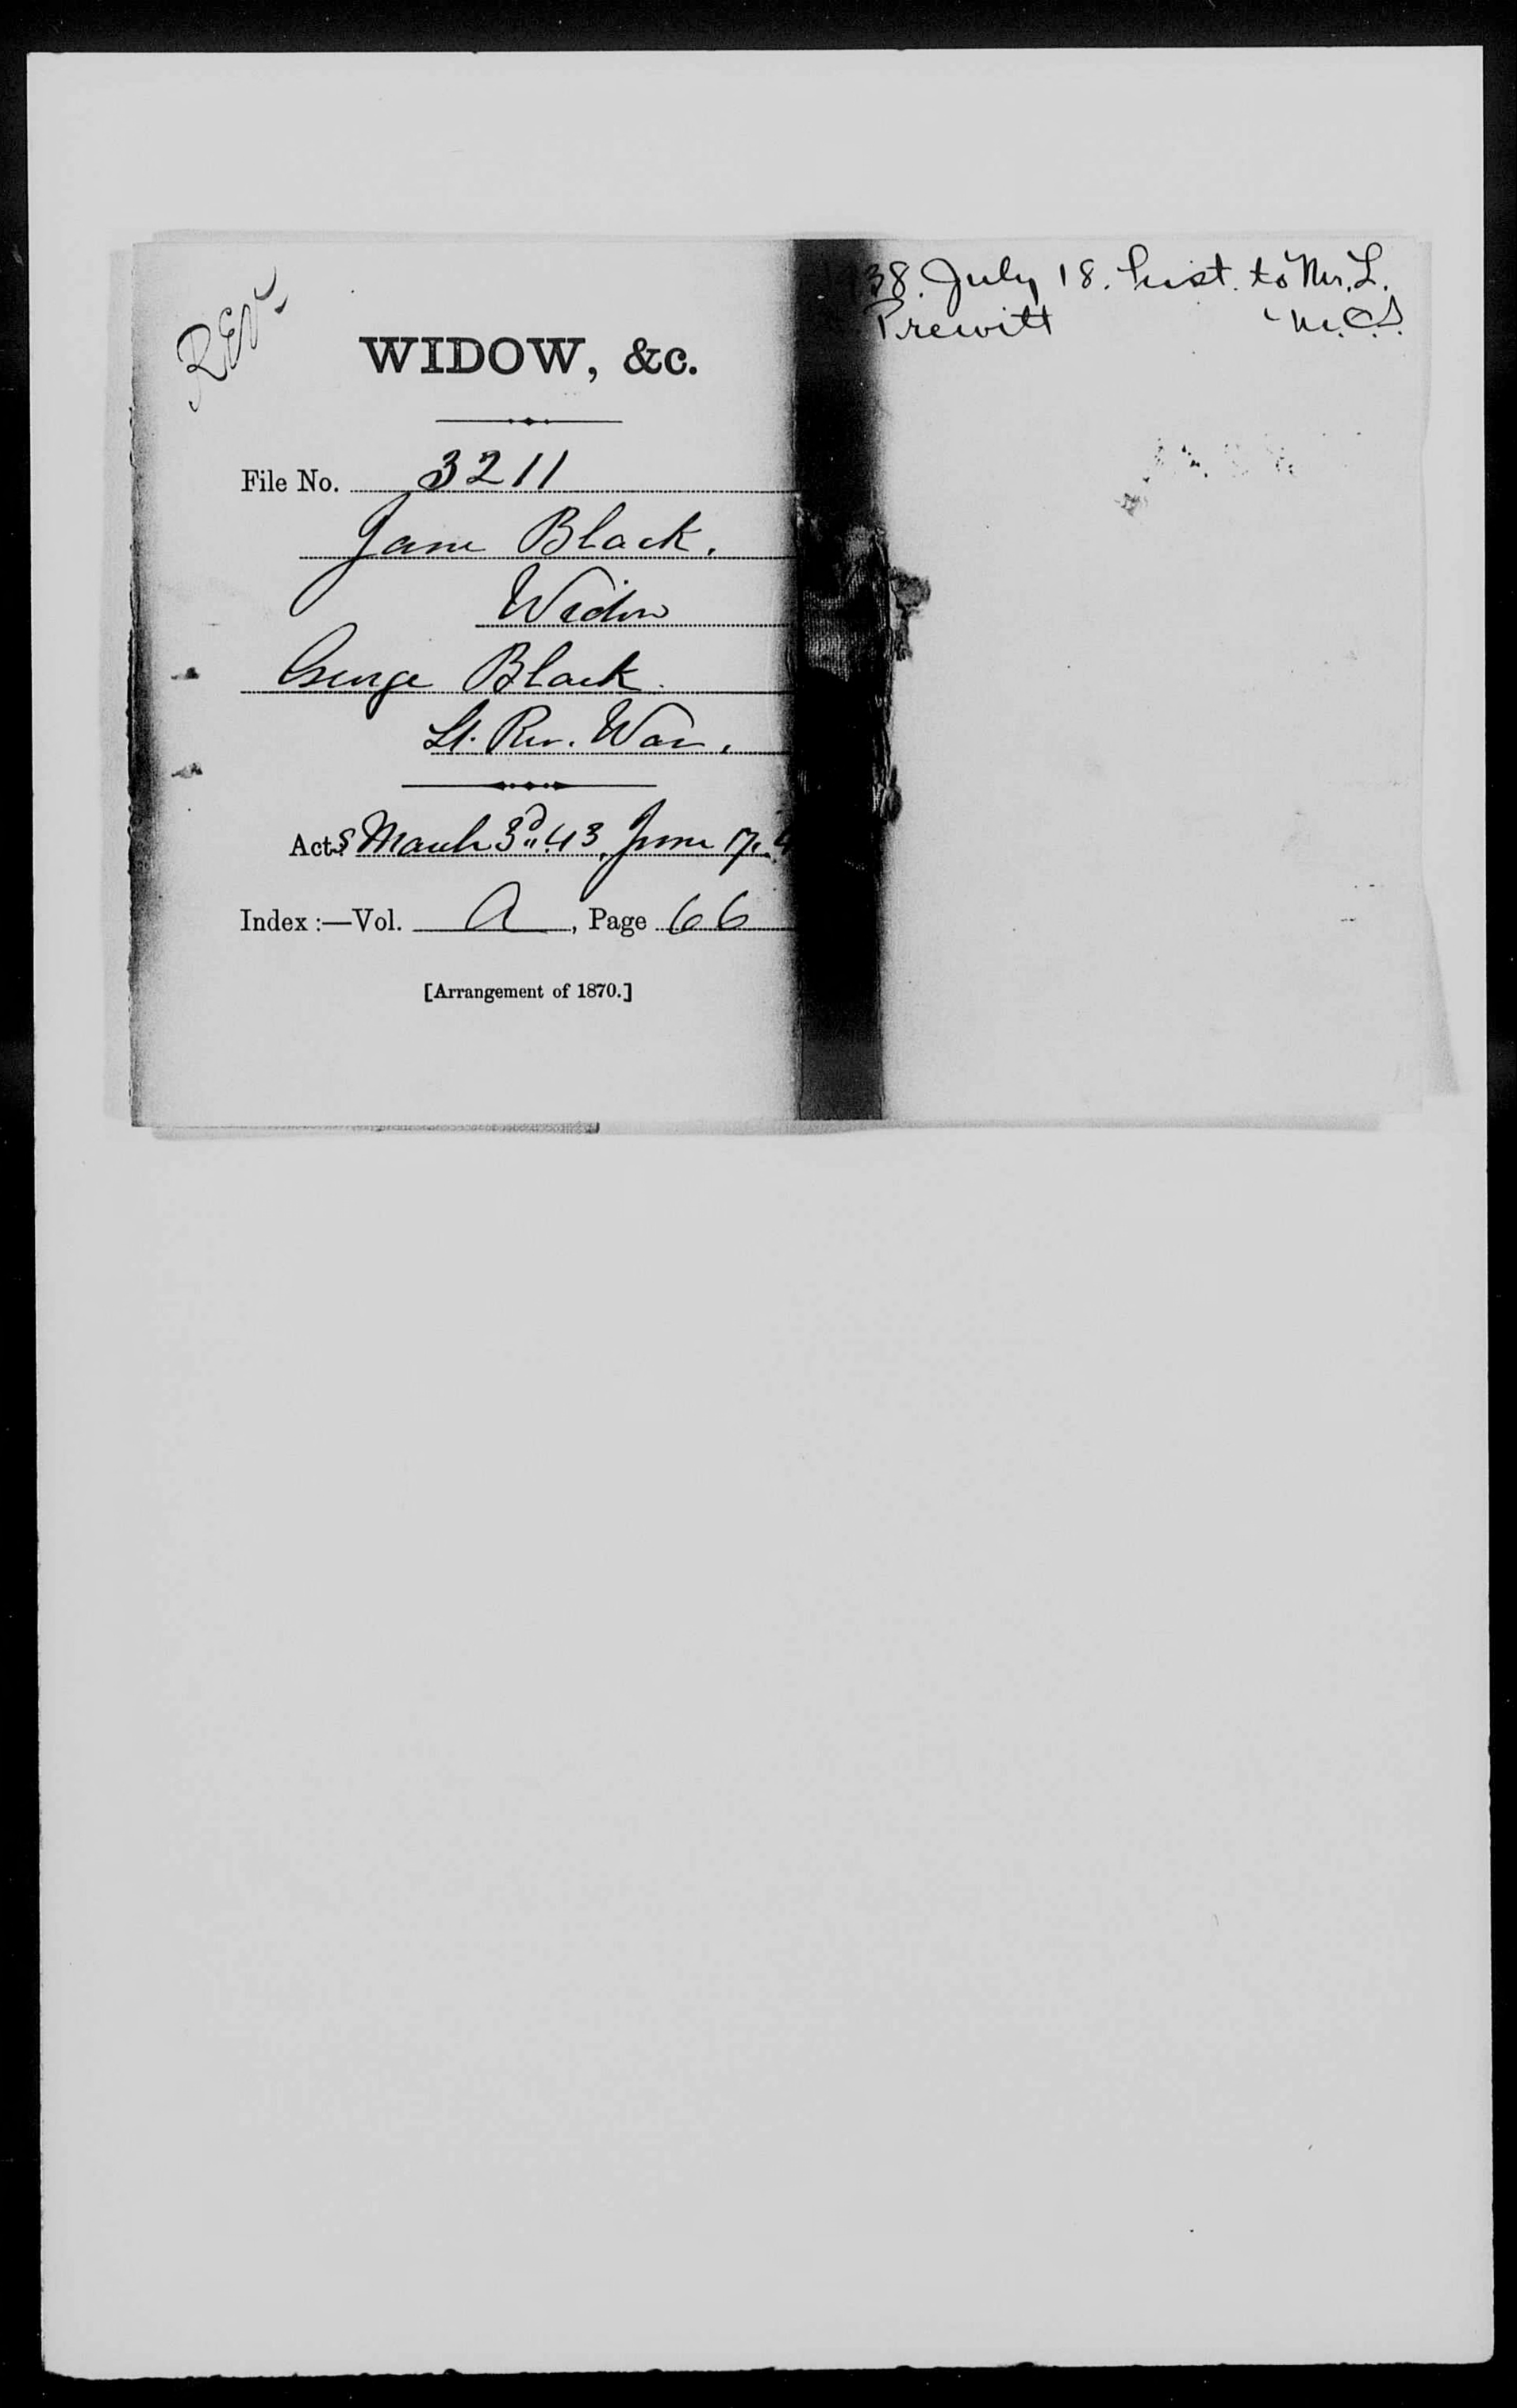Rev
                      WIDOW, & C.
_________________________________________________

File No.  3211
Jame Black.
Widow
George Black
Lt. Rev. War.
_____________
Act S. March 3d. 43, June 7 [blacked out]

Index: -- Vol. A, Page 66

[arrangement of 1870.]



[Top of other side of page]

38. July 18 hist. to Mr. L. Prewitt  M.C.S.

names: L Prewitt, Jane Black, George Black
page: 24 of 30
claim: widow's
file: W. 3211, George Black, Penn.